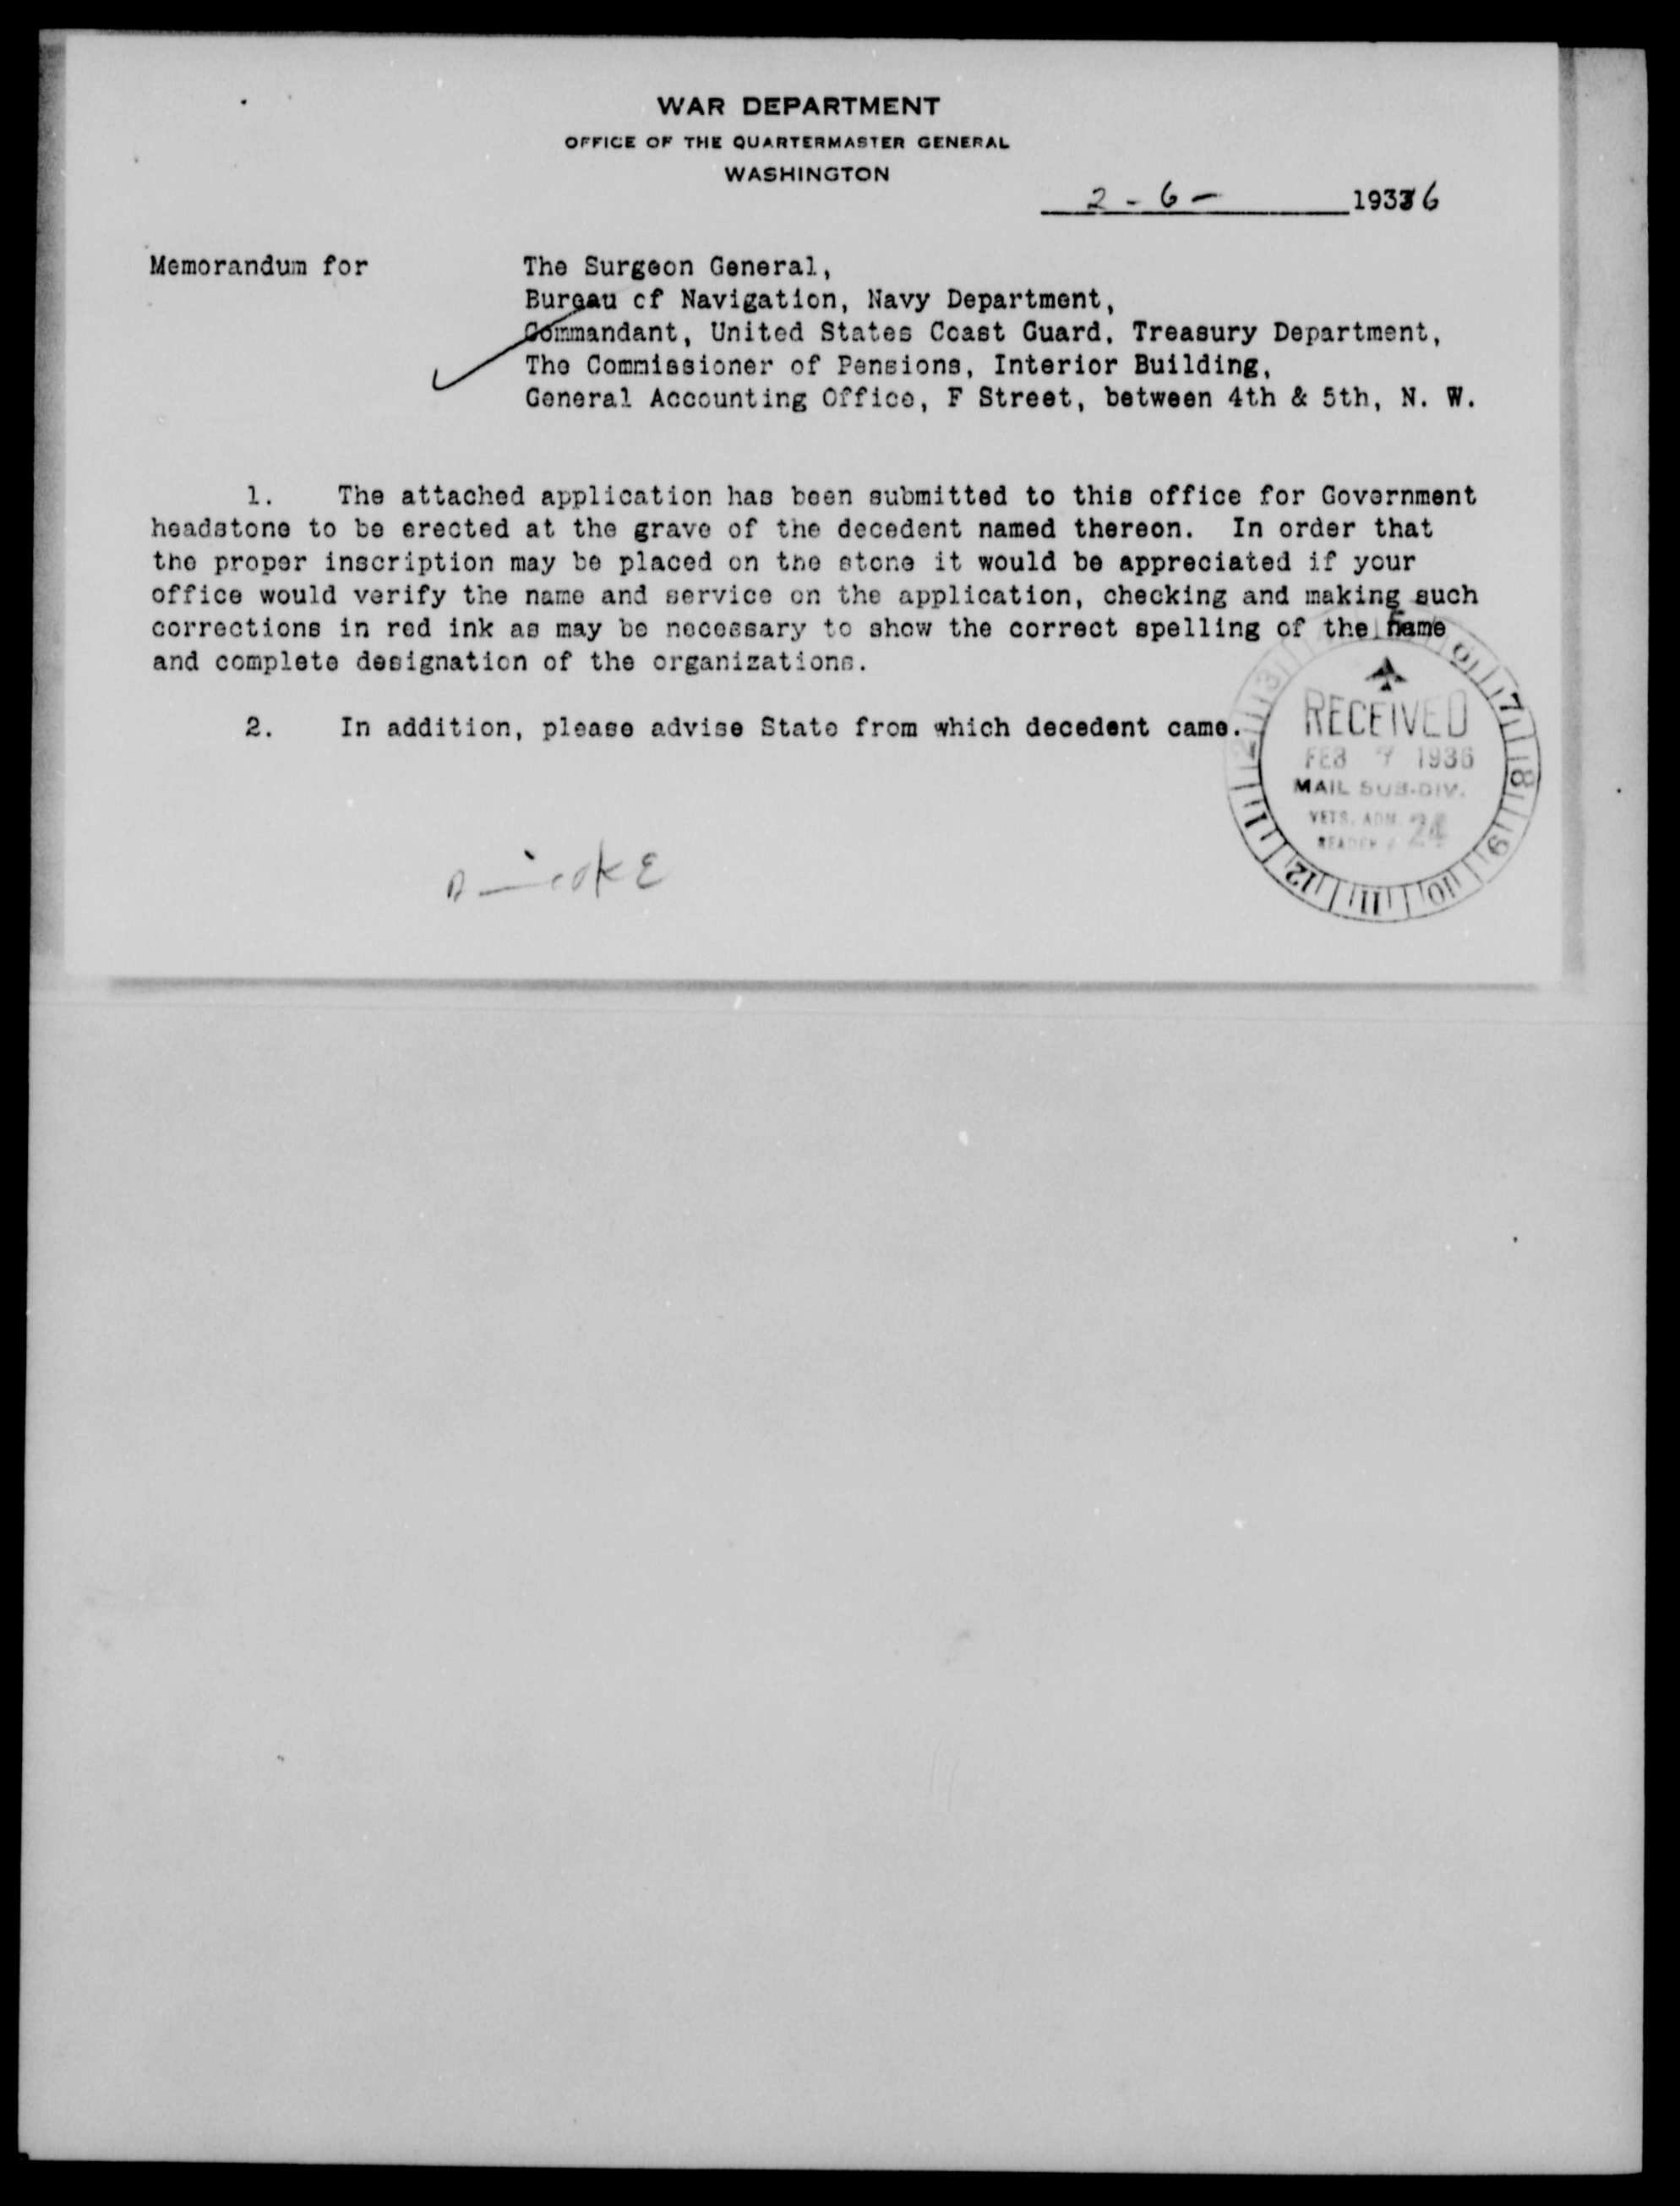WAR DEPARTMENT
OFFICE OF THE QUARTERMASTER GENERAL
WASHINGTON
2-6-1936
Memorandum for
The Surgeon General,
Bureau of Navigation, Navy Department,
Commandant, United States Coast Guard, Treasury Department.
The Commissioner of Pensions, Interior Building,
General Accounting Office, F Street, between 4th & 5th, N. W.
1.  The attached application has been submitted to this office for Government
headstone to be erected at the grave of the decedent named thereon. In order that
the proper inscription may be placed on the stone it would be appreciated if your
would verify the name and service on the application, checking and making such
corrections in red ink as may be necessary to show the correct spelling of the name and
complete designation of the organizations.

2.  In addition, please advise State from which decedent came.

[stamp-] RECEIVED
Feb 7 1933
Mail Sub. Div.
Vets. Adm. Reader 24

[signature illegible]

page: 11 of 33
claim: rejected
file: R. 9635, for Thomas Skinner, Delaware